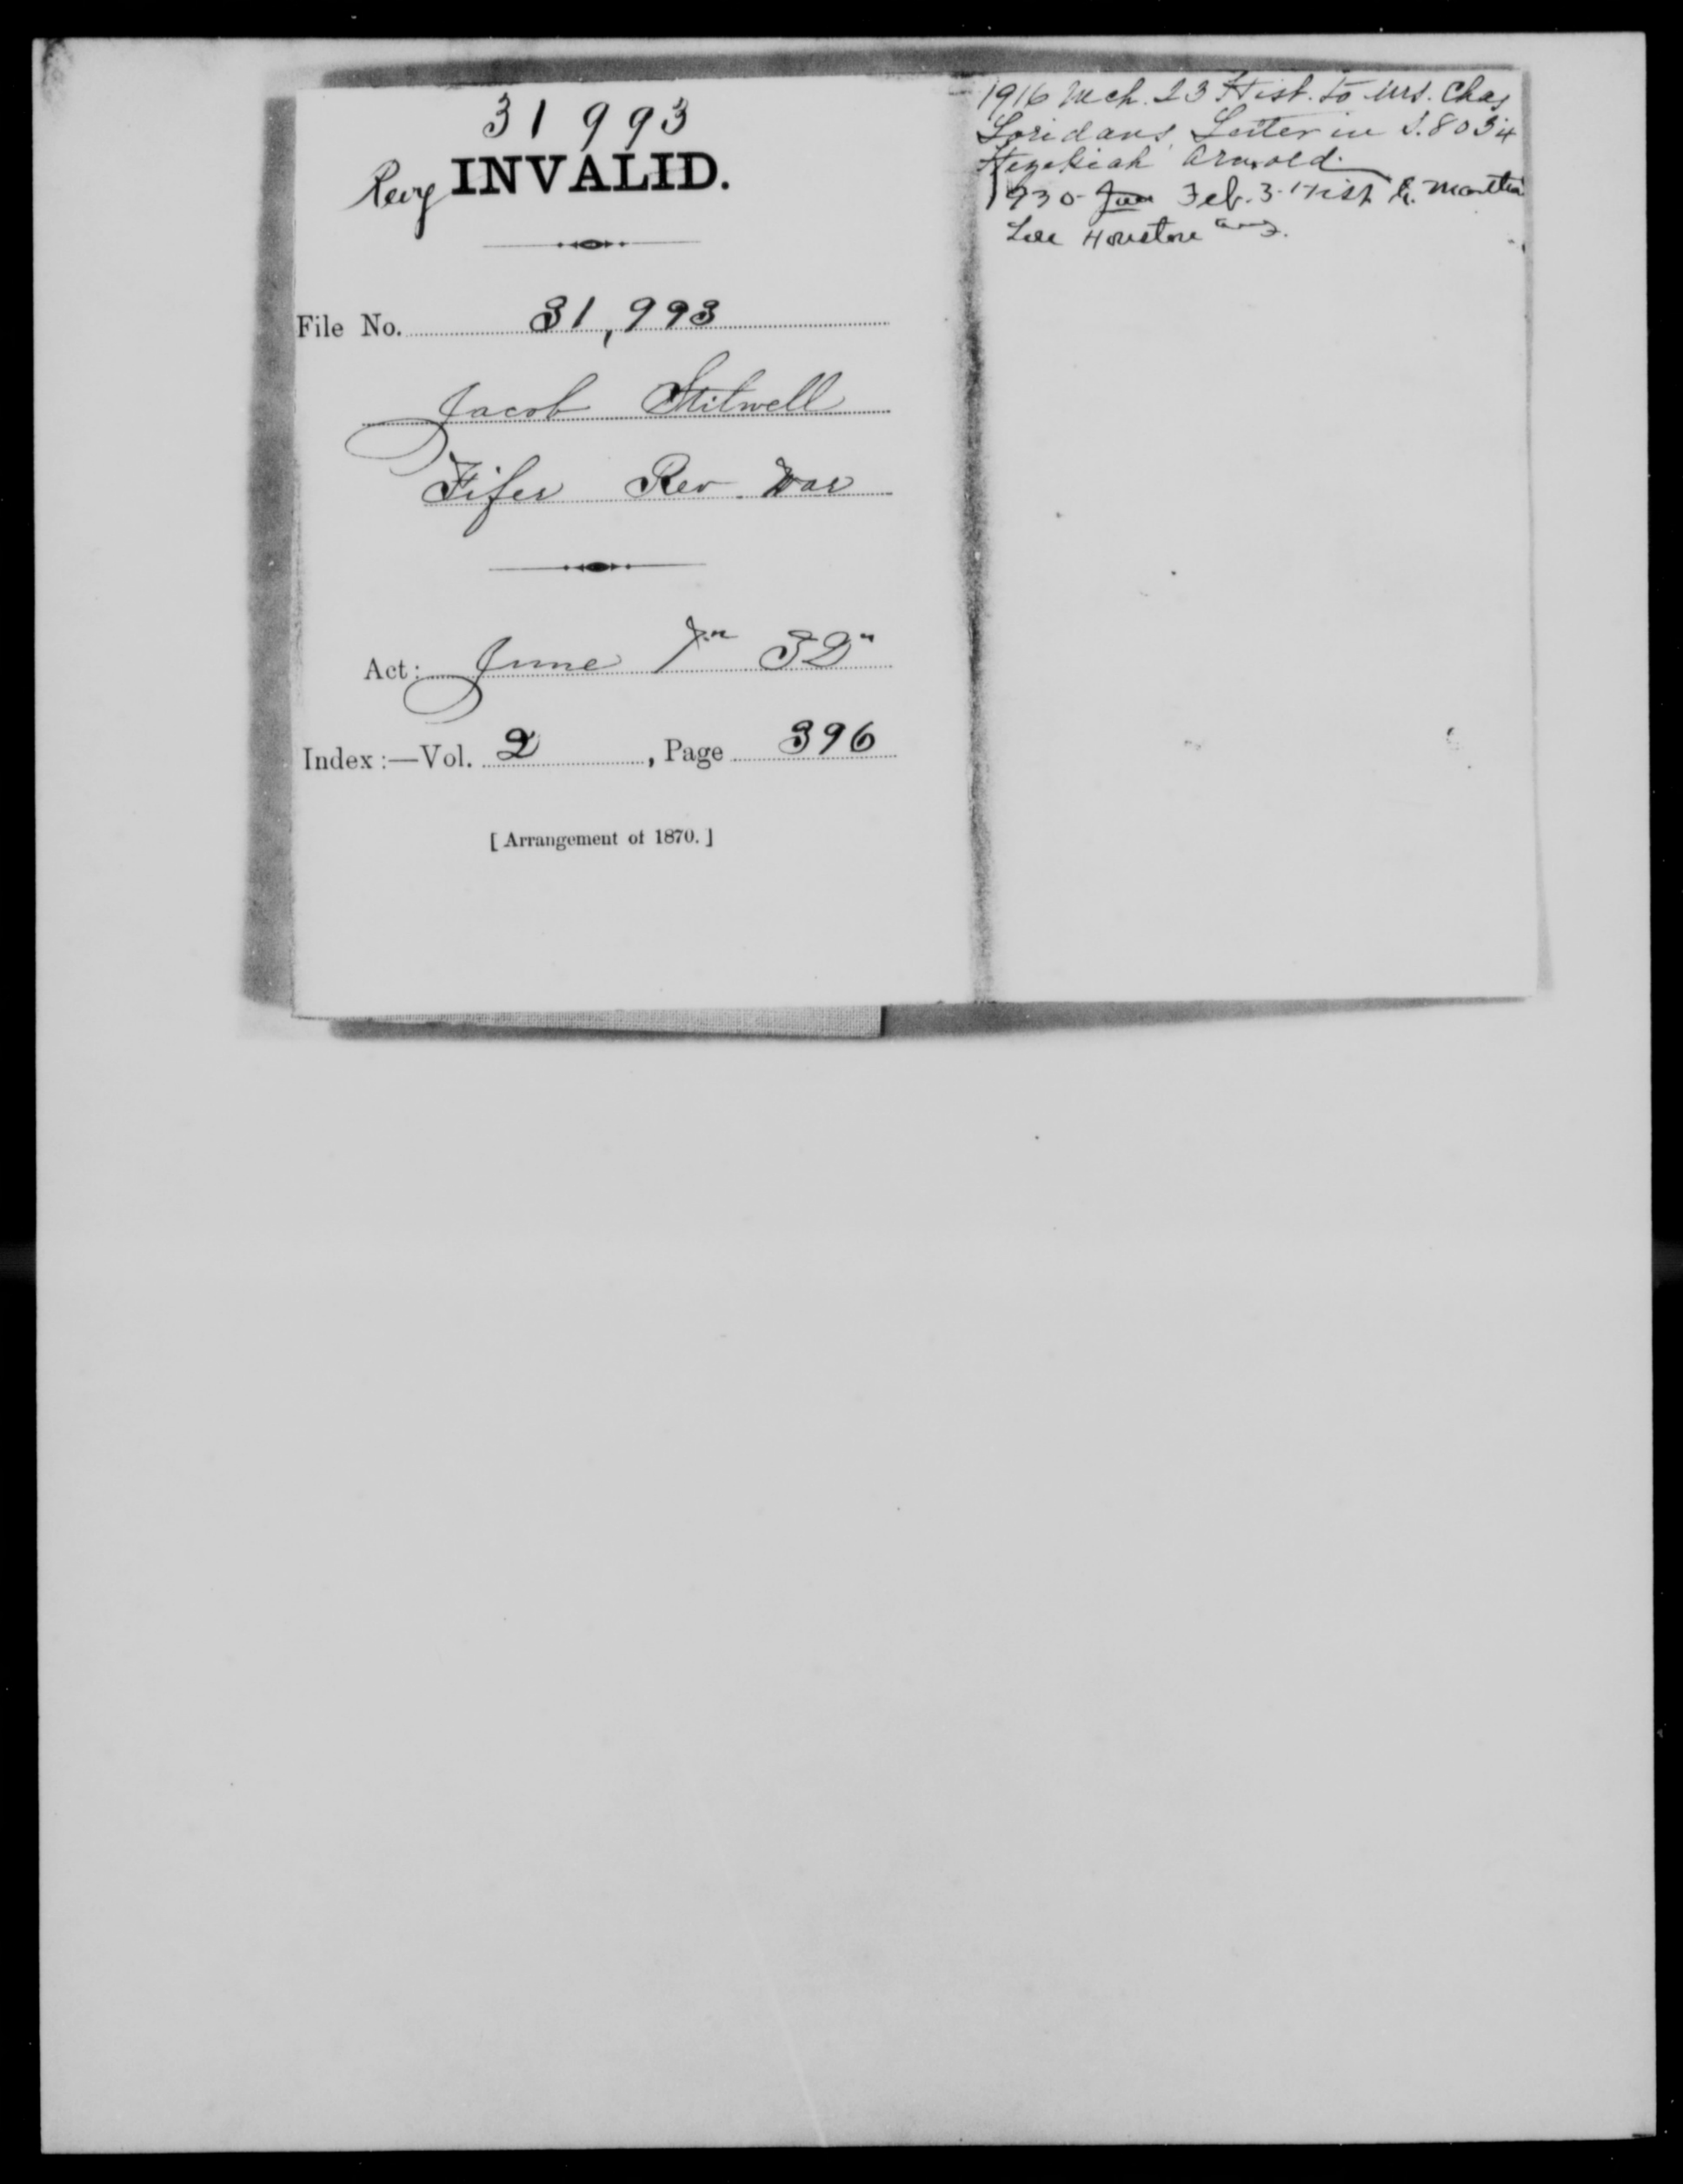31993
Rev
INVALID.
File No. 3,.993
Jacob Stilwell
Fifer Rev. War
Act: June 32 "
Index: - Vol. 2
Page 396
Arrangement of 1870.}
1916 Mch. 3 Hist to Mrs. Chas
Lordans Letter in S. 8034
Hezekiah Arnold
1930 Feb. 3. Hist. to Martha
Lee Houston  awy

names: Jacob Stilwell; Martha Lee; Hezekiah Arnold; Chas Loridans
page: 18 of 25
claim: survivor's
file: S. 31,993, for Jacob Stillwell, North Carolina